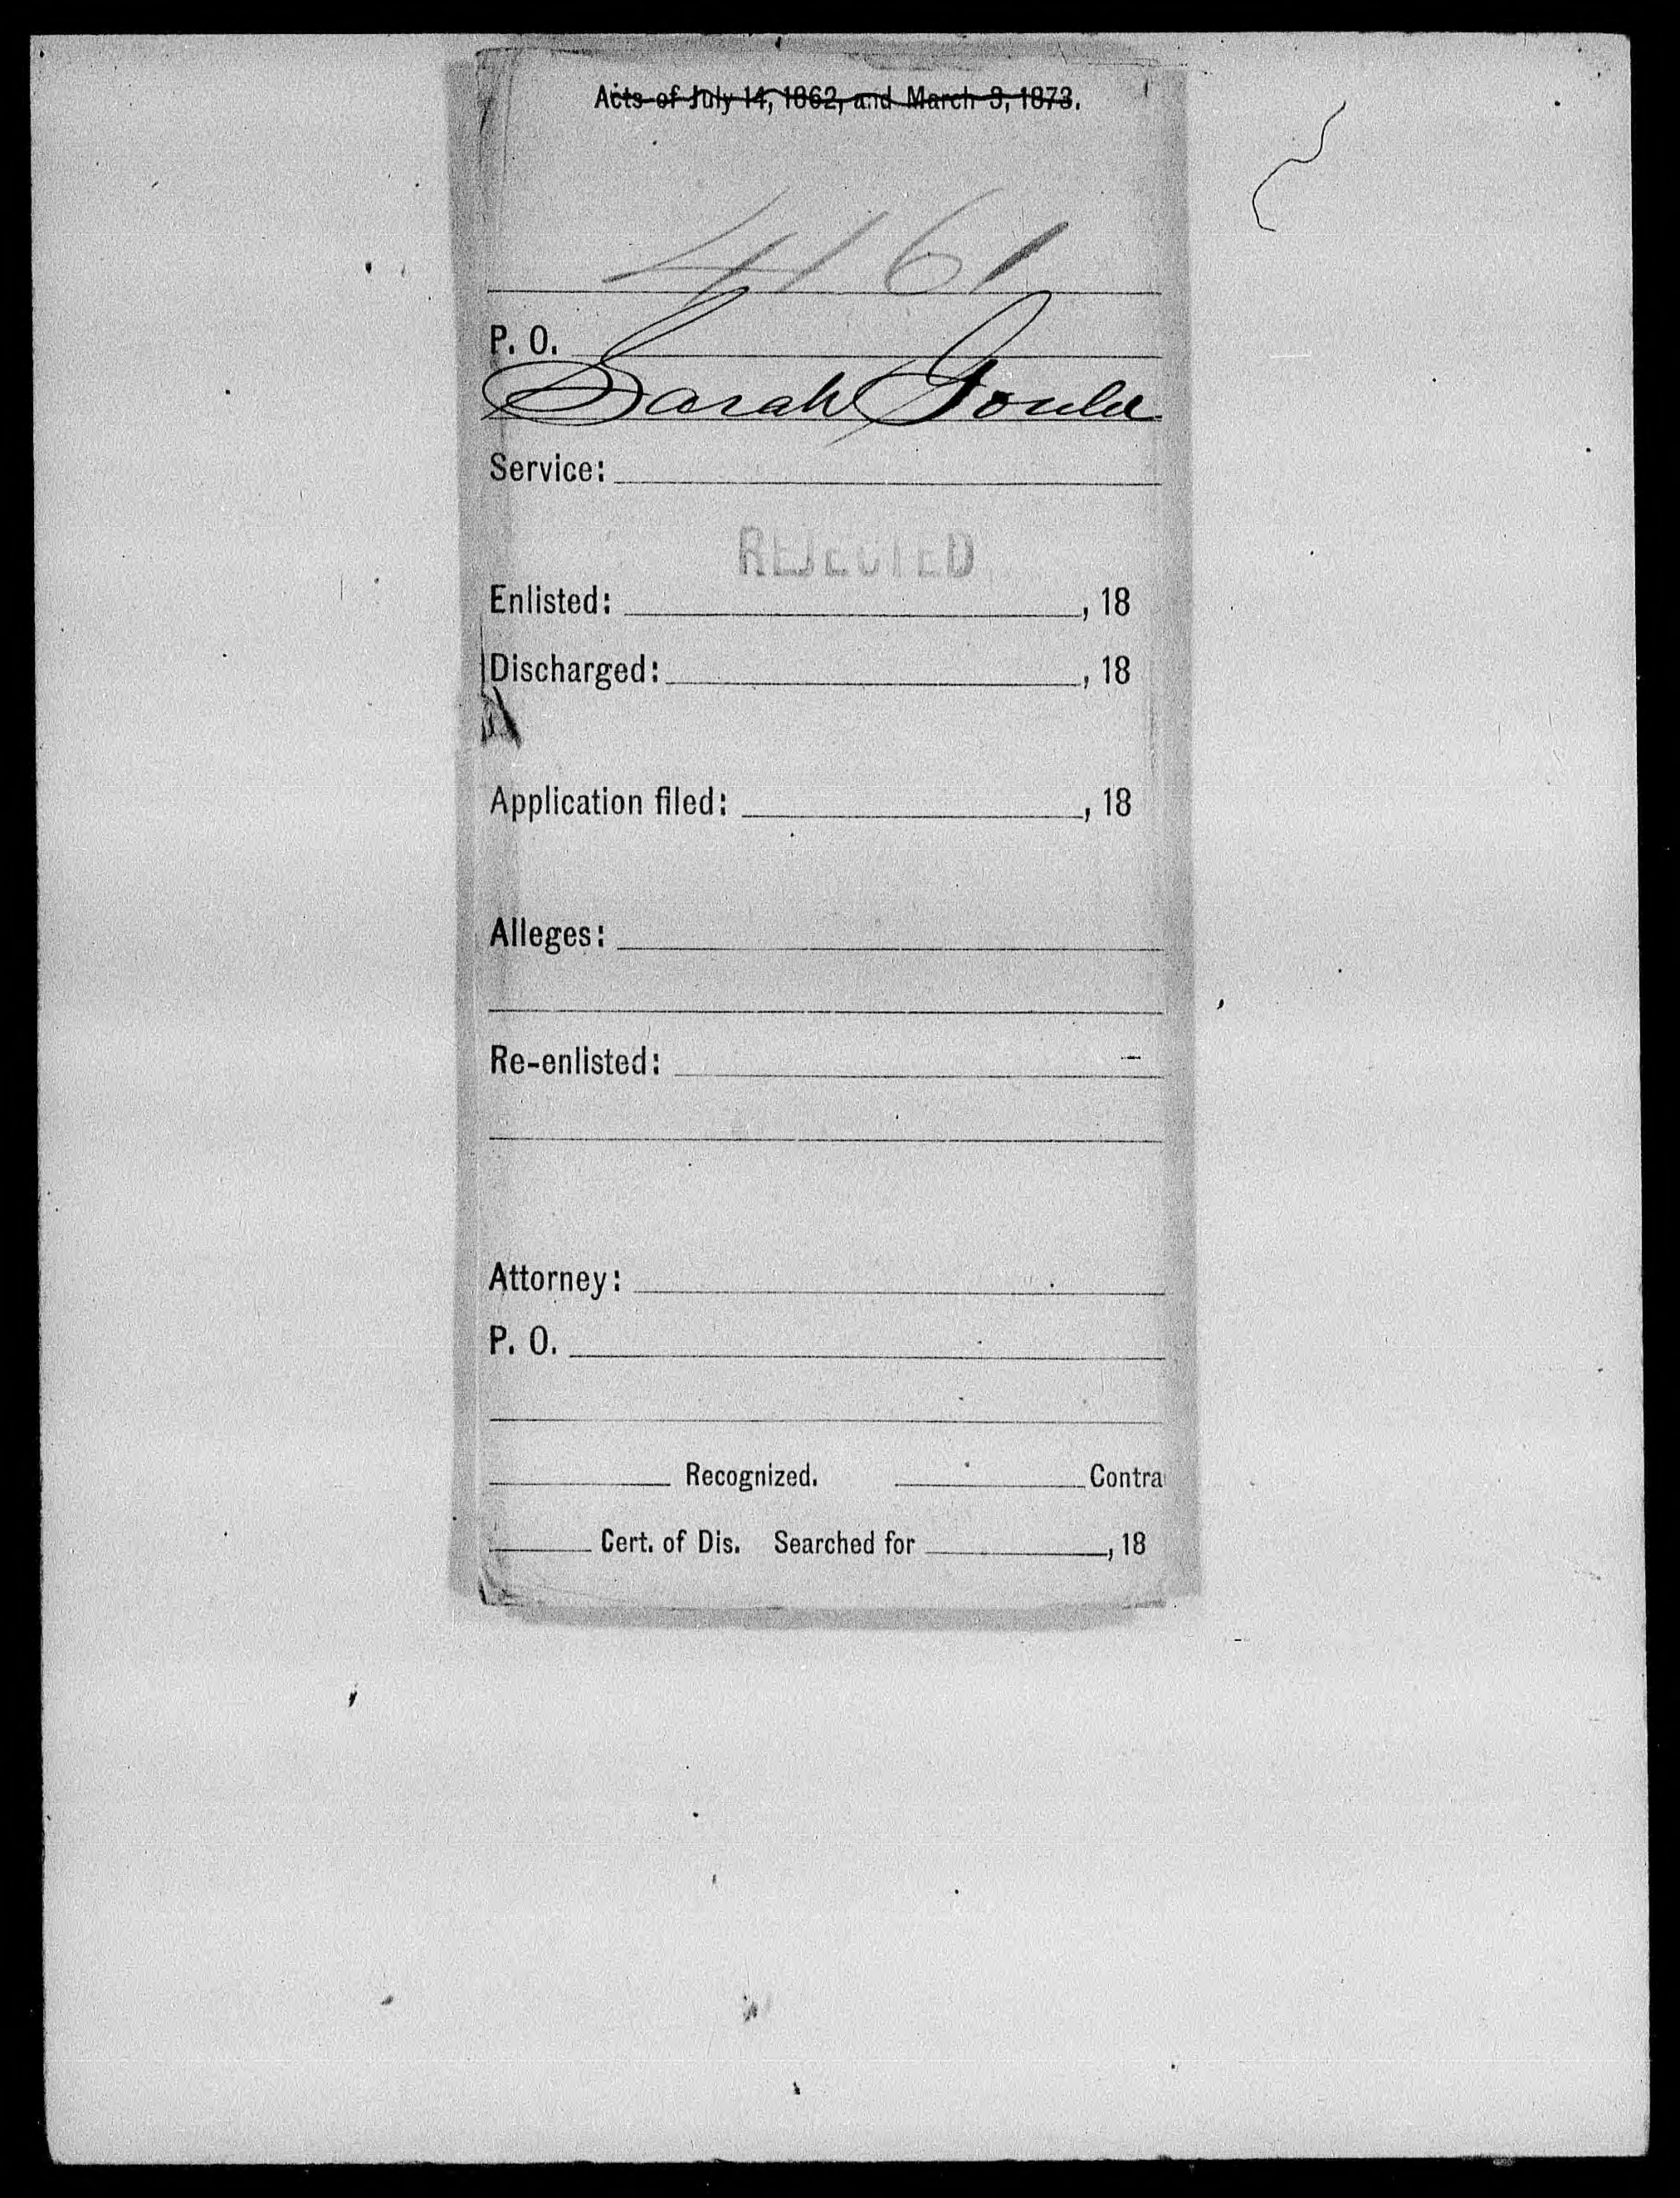[form]

4161
P.O. __[blank]
Sarah Gould
Service: __[blank]

Enlisted: REJECTED [stamped], 18__[blank]
Discharged: ____[blank], 18__[blank]

Application filed:  ___[blank], 18__[blank]
Alleges: __ [blank]
Re-enlisted: __[blank]

Attorney: __[blank]
P.O.___[blank]
____[blank] Recognized. _____ Contra[?]
__[blank] Cert. of Dis.
Searched for __[blank], 18__[blank]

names: Sarah Gould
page: 12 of 20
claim: rejected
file: R. 4,161, William Gould, New York